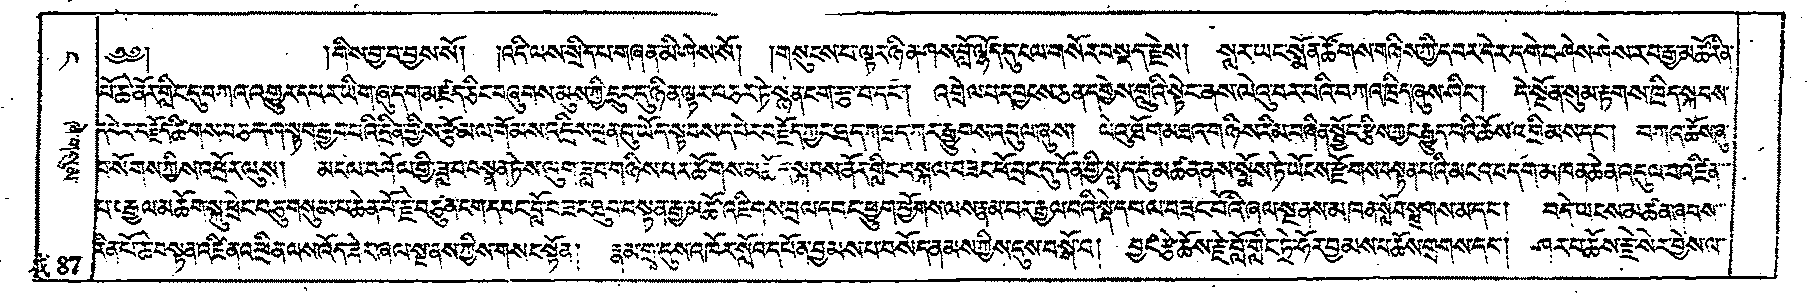༄༅། །གིས་བྱ་བ་བྱས་སོ། །འདི་ལས་སྲིད་པ་གཞན་མི་ཤེས་སོ། །གསུངས་པ་ལྟར་ཉིན་ཤས་བློ་ལྷོད་དུ་ངལ་གསོར་བསྡད་རྗེས། སླར་ཡང་སྨོན་ཚོགས་གཉིས་ཀྱི་དབར་དེར་དགེ་བཤེས་ཤེས་རབ་རྒྱ་མཚོ་རིན་
པོ་ཆེ་ནོར་གླིང་དུ་བཀའ་འགྱུར་དཔར་ཡིག་ཞུ་དག་མཛད་ཅིང་བཞུགས་མུས་ཀྱི་དྲུང་དུ་ཉིན་ལྟར་བཅར་ཏེ་སྙན་ངག་རྩ་བ་དང་། འགྲེལ་པ་དབྱངས་ཅན་དགྱེས་གླུའི་སྟེང་ནས་ལེའུ་བར་པའི་བཀའ་ཁྲིད་ཞུས་ཤིང་། དེ་སྔོན་སུམ་རྟགས་ཁྲིད་སྐབས་
དཔེར་བརྗོད་ཚིགས་བཅད་ཤ་སྟག་རྒྱབ་པའི་དྲིན་གྱིས་རྩོམ་ལ་གོམས་འདྲིས་ཕྲན་བུ་ཡོད་སྟབས་དཔེར་བརྗོད་ཀྱང་ཐད་ཀ་ཐད་ཀར་རྒྱུགས་འབུལ་ཞུས། ལེའུ་ཐོག་མཐའ་གཉིས་རིམ་བཞིན་སྦྱོང་རྩིས་ཀྱང་རྒྱུད་པའི་ཆོས་འགྲིམས་དང་། བཀའ་ཆོས་ཞུ་
བ་སོགས་ཀྱིས་འཕྲོར་ལུས། མངལ་བཤོལ་གྱི་ཟླ་བ་བསྣན་ཏེ་ས་ལུག་ཟླ་བ་གཉིས་པར་ཚོགས་མཆོད་སྐབས་ནོར་གླིང་བསྐལ་བཟང་ཕོ་བྲང་དུ་དོན་གྱི་སླད་དུ་མཚན་ནས་སྨོས་ཏེ་ཡོངས་རྫོགས་བསྟན་པའི་མངའ་བདག་མཁན་ཆེན་འདུལ་བ་འཛིན་
པ་༧རྒྱལ་མཆོག་སྐུ་ཕྲེང་བཅུ་གསུམ་པ་ཆེན་པོ་རྗེ་བཙུན་ངག་དབང་བློ་བཟང་ཐུབ་བསྟན་རྒྱ་མཚོ་འཇིགས་བྲལ་དབང་ཕྱུག་ཕྱོགས་ལས་རྣམ་པར་རྒྱལ་བའི་སྡེ་དཔལ་བཟང་པོའི་ཞལ་སྔ་ནས་མཁན་སློབ་སྦྲགས་མ་དང་། བདེ་ཡངས་མཚན་ཞབས་
རིན་པོ་ཆེ་བསྟན་འཛིན་འཕྲིན་ལས་འོད་ཟེར་ཞལ་སྔ་ནས་ཀྱིས་གསང་སྟོན། རྣམ་གྲྭ་དུས་འཁོར་སློབ་དཔོན་བྱམས་པ་བསོད་ནམས་ཀྱིས་དུས་བསྒོ་བ། བྱང་རྩེ་ཆོས་རྗེ་བློ་གླིང་ཏྲེ་ཧོར་བྱམས་པ་ཆོས་གྲགས་དང་། ཤར་པ་ཆོས་རྗེ་སེར་བྱེས་ལ་